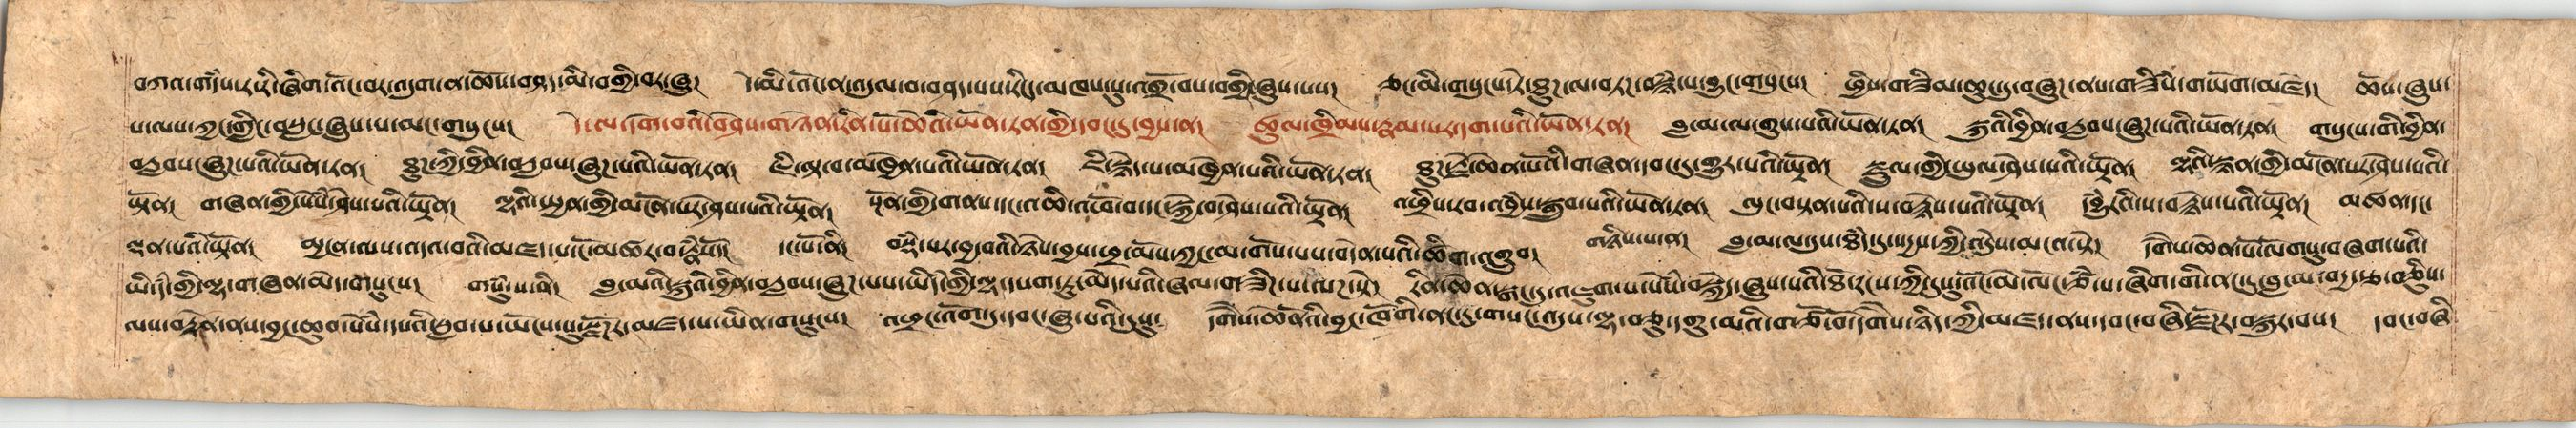བཀའ་གདཾས་ར་རི་ཞིག་འོང་བར་འདུག་ན་ཆོས་བཤད་མི་བགྱི་བར་ཞུ། དེ་མི་འོང་ན་འདུལ་བ་བཤད་པས་རངིད་མཁས་སུ་འགྲོ་བས་བགྱི་ཞུས་པས། ཅང་མི་གསུངས་ཏེ་ཐུཌ་ལ་བཏཌ་བསྙཾ་པ་བྱུང་གསུངས། ཕྱིས་གཟིམ་ཆུང་དུ་བཞུཌ་ནས་གཟིསཾ་གཡོག་མཛད། ཆོས་ཞུས་
པ་ལས་ཀྱང་གླིང་བསླང་ཞུས་པ་མང་གསུངས། དེ་ལ་དགེ་བའི་བཤེས་གཉེན་རིན་པོ་ཆེའི་་ཡོན་ཏན་དབང་དུ་བྱས་ན། ཚུལ་ཁྲིམས་རྣམ་པར་དག་པའི་ཡོན་ཏན། བླ་མ་ལ་གུས་པའི་ཡོན་ཏན། སྐུའི་བྱན་བརླབས་ཞུཌ་པའི་ཡོན་ཏན། གསུང་གི་བྱིན་
བརླབས་ཞུཌ་པའི་ཡོན་ཏན། ཐུཌ་ཀྱི་བྱིན་བརླབས་ཞུཌ་པའི་ཡོན་ཏན། ཇི་ལྟ་བ་མཁྱེན་པའི་ཡོན་ཏན། ཇི་སྙེད་པ་མཁྱེན་པའི་ཡོན་ཏན། ཐུགས་རྗེ་ཆེན་པོའི་གཞན་དབང་དུ་གྱུར་པའི་ཡྟོན། སྫྲུལ་གྱི་ཡུལ་ཤེས་པའི་ཡྟོན། ལྷའི་སྙན་གྱི་མངོན་པར་ཤེས་པའི་
ཡྟོན། གཞན་གྱི་སེཾས་ཤེས་པའི་ཡྟོན། ལྷའི་སྤྱན་གྱི་མངོན་པར་ཤེས་པའི་ཡྟོན། སྔོན་གྱི་གནས་དང་འཆི་འཕོ་བ་དང་སྐྱེ་བ་ཤེས་པའི་ཡྟོན། འཕྲིས་རབ་འབྱཾས་སྒྲུབ་པའི་ཡོན་ཏན། ལུང་བསྟན་པའི་ས་བརྙེས་པའི་ཡྟོན། དབྱུཾརའི་ས་བརྙེས་པའི་ཡྟོན། མཚན་དང་
ལྡན་པའི་ཡྟོན། མྱངན་ལས་འདའ་བའི་མཛད་པ་ངོ་མཚར་བ་རྣཾསོ། དང་པོ་ནི། བསྡཾ་པར་བྱ་བའི་ཉེས་བྱས་ཕྲ་མོས་ཀྱང་མ་གོས་པས་བདེན་པའི་ཚིག་འགྲུབ། གཉིས་པ་ན། བླ་མ་ལ་དུས་ཐཾད་དུ་སདྱས་ཀྱི་འདེུས་མངའ་སྟེ། དགཻས་ཆེན་པོ་ལོགསུ་བཞག་པའི་
ཡི་དཾ་གྱི་ལྷ་གཞན་མེད་གསུང་། གསུཾ་པ་ནི། བླ་མའི་སྐུའི་བྱིན་བརླབས་ཞུཌ་པས་ཡིདཾ་གྱི་ལྷ་དཔག་ཏུ་མེད་པའི་ཞལ་གཟིཌ་པ་ལཌ་སྟེ། རིན་ཆེན་སྒང་དུ་འཇུག་པ་སེཾས་བསྐྱེད་ཞུས་པའི་ཐོ་རངས་ཀྱི་དུསུ་འོང་མེ་ལོང་ཙཾ་པ་ཞིག་གི་ནང་དུ་བླ་མ་བདྱ་རྩ་བཅིུས་
ལས་བརྟེན་ནས་བྱང་ཆུབ་སེཾས་དཔའི་སླབ་པ་ཡོངས་སུ་སྫོཌར་མཛད་པ་ཡིན་གསུངས་། འཕྲང་འོག་ཏུ་དབང་ཞུ་པའི་དུསུ། དགཻས་ཆེནོའི་བྱང་ཁོགི་ནང་དུ་གསང་འདུས་ལྷ་བཅུ་དགུ་མའི་གཙོ་བོ་དགཻས་ཉིད་ཀྱི་མཛད་ནས་དབང་བཞི་སྫོཌཔར་བསྐུར་བས། དབང་བཞི